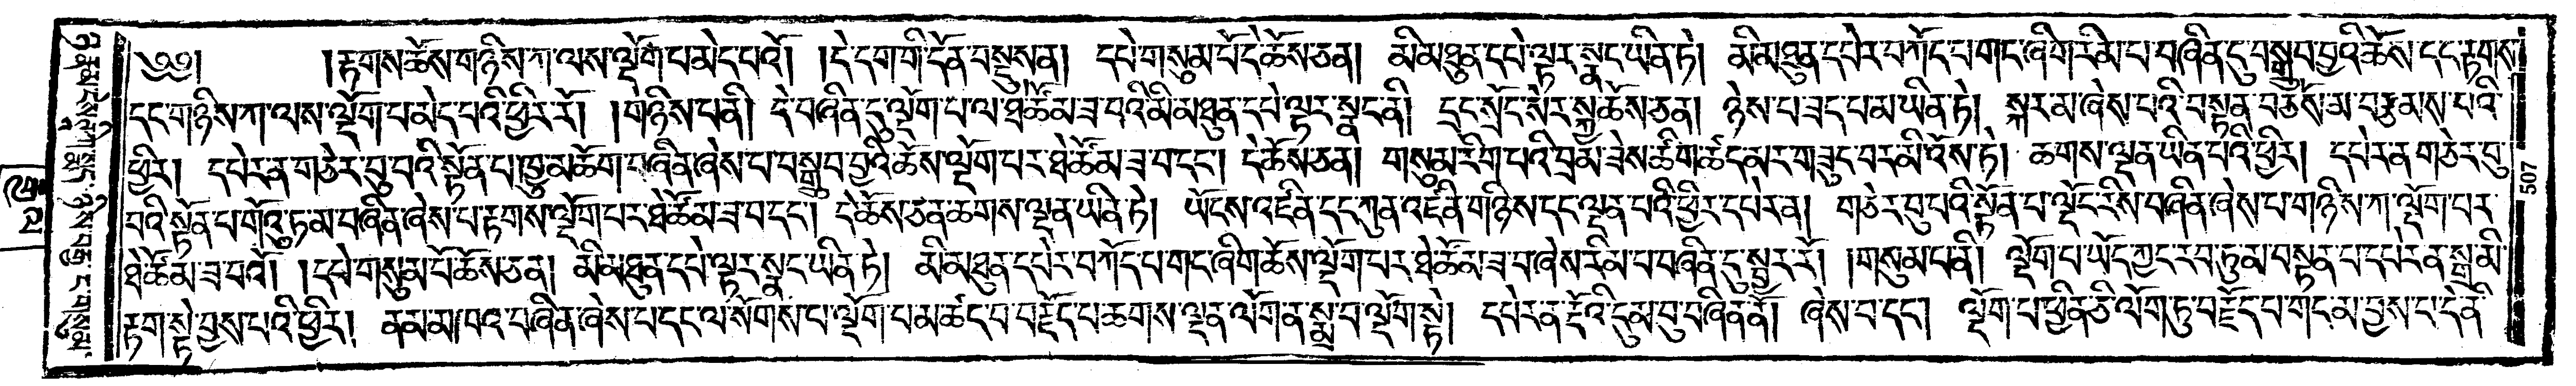༄༅། །རྟགས་ཆོས་གཉིས་ཀ་ལས་ལྡོག་པ་མེད་པའོ། །དེ་དག་གི་དོན་བསྡུས་ན། དཔེ་གསུམ་པོ་དེ་ཆོས་ཅན། མི་མཐུན་དཔེ་ལྟར་སྣང་ཡིན་ཏེ། མི་མཐུན་དཔེར་བཀོད་པ་གང་ཞིག་རིམ་པ་བཞིན་དུ་བསྒྲུབ་བྱའི་ཆོས་དང་རྟགས་
དང་གཉིས་ཀ་ལས་ལྡོག་པ་མེད་པའི་ཕྱིར་རོ། །གཉིས་པ་ནི། དེ་བཞིན་དུ་ལྡོག་པ་ལ་ཐེ་ཚོམ་ཟ་བའི་མི་མཐུན་དཔེ་ལྟར་སྣང་ནི། དྲང་སྲོང་སེར་སྐྱ་ཆོས་ཅན། ཉེས་པ་ཟད་པ་མ་ཡིན་ཏེ། སྐར་མ་ཞེས་པའི་བསྟན་བཅོས་མ་བརྩམས་པའི་
ཕྱིར། དཔེར་ན་གཅེར་བུ་བའི་སྟོན་པ་ཁྱུ་མཆོག་བཞིན་ཞེས་པ་བསྒྲུབ་བྱའི་ཆོས་ལྡོག་པར་ཐེ་ཚོམ་ཟ་བ་དང་། དེ་ཆོས་ཅན། གསུམ་རིག་པའི་བྲམ་ཟེས་ཚིག་ཚད་མར་གཟུང་བར་མི་འོས་ཏེ། ཆགས་ལྡན་ཡིན་པའི་ཕྱིར། དཔེར་ན་གཅེར་བུ་
པའི་སྟོན་པ་གོའུ་ཏ་མ་བཞིན་ཞེས་པ་རྟགས་ལྡོག་པར་ཐེ་ཚོམ་ཟ་བ་དང་། དེ་ཆོས་ཅན་ཆགས་ལྡན་ཡིན་ཏེ། ཡོངས་འཛིན་དང་ཀུན་འཛིན་གཉིས་དང་ལྡན་པའི་ཕྱིར་དཔེར་ན། གཅེར་བུ་པའི་སྟོན་པ་ལྡོང་རིས་བཞིན་ཞེས་པ་གཉིས་ཀ་ལྡོག་པར་
ཐེ་ཚོམ་ཟ་བའོ། །དཔེ་གསུམ་པོ་ཆོས་ཅན། མི་མཐུན་དཔེ་ལྟར་སྣང་ཡིན་ཏེ། མི་མཐུན་དཔེར་བཀོད་པ་གང་ཞིག་ཆོས་ལྡོག་པར་ཐེ་ཚོམ་ཟ་པ་ཞེས་རིམ་པ་བཞིན་དུ་སྦྱར་རོ། །གསུམ་པ་ནི། ལྡོག་པ་ཡོད་ཀྱང་རབ་ཏུ་མ་བསྟན་པ་དཔེར་ན་སྒྲ་མི་
རྟག་སྟེ་བྱས་པའི་ཕྱིར། ནམ་མཁའ་བཞིན་ཞེས་པ་དང་ལ་སོགས་པ་ལྡོག་པ་མ་ཚང་བ་བརྗོད་པ་ཆགས་ལྡན་ལོག་ན་སྨྲ་བ་ལྡོག་སྟེ། དཔེར་ན་རྔོའི་དུམ་བུ་བཞིན་ནོ། ཞེས་བ་དང་། ལྡོག་པ་ཕྱིན་ཅི་ལོག་ཏུ་བརྗོད་པ་གང་མ་བྱས་པ་དེ་ནི་